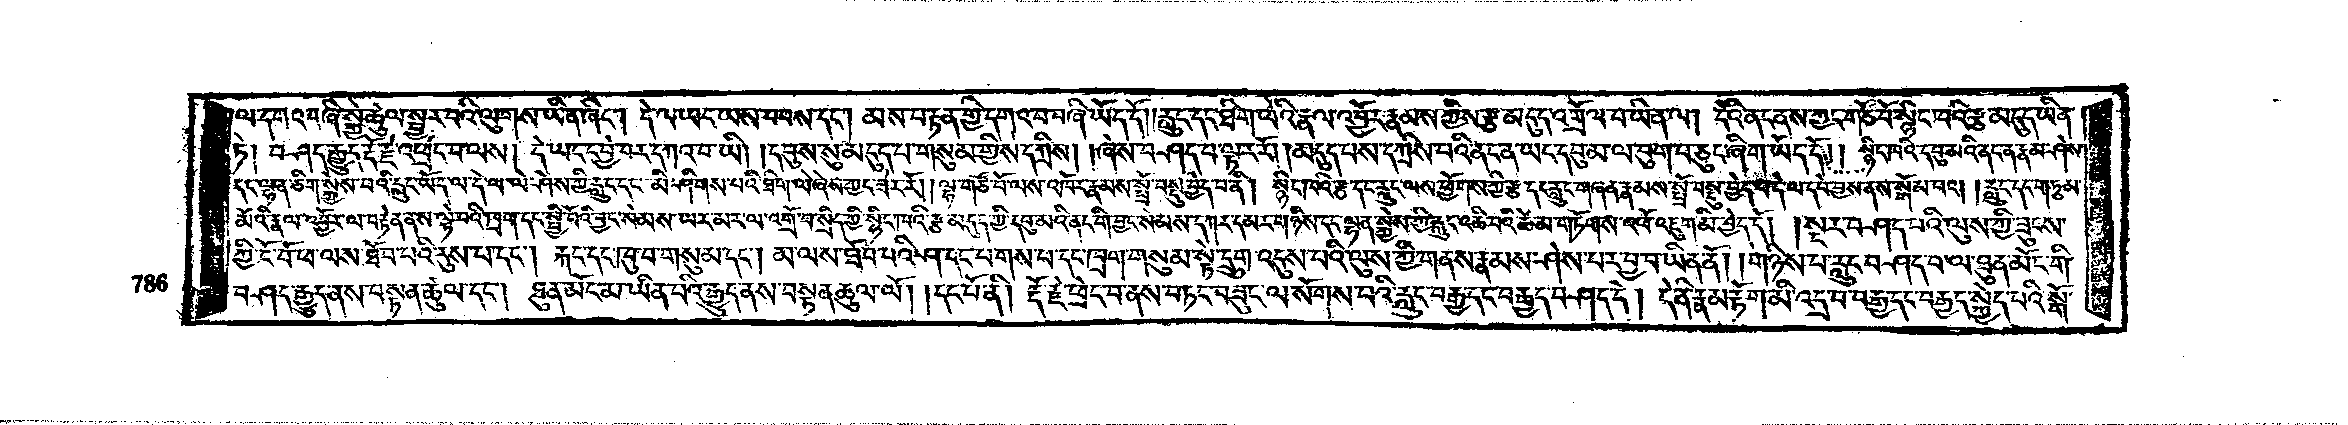ལ་དགའ་བཞི་སྐྱེ་ཚུལ་སྦྱར་བའི་ལུགས་ཡིན་ཞིང་། དེ་ལ་ཡང་ཡས་བབས་དང་། མས་པ་རྟན་གྱི་དགའ་བ་བཞི་ཡོད་དོ། །རླུང་དང་ཐིག་ལེའི་རྣལ་འབྱོར་རྣམས་ཀྱིས་རྩ་མདུད་འགྲོལ་བ་ཡིན་ལ། དེའི་ནང་ནས་ཀྱང་གཙོ་བོ་སྙིང་ཁའི་རྩ་མདུད་ཡིན་
ཏེ། བཤད་རྒྱུད་རྡོ་རྗེ་འཕྲེང་བ་ལས། དེ་ཡང་དབྱེ་བར་དཀའ་བ་ཡི། །དབུས་སུ་མདུད་པ་གསུམ་གྱིས་དཀྲིས། །ཞེས་བཤད་པ་ལྟར་རོ། །མདུད་པས་དཀྲིས་པའི་ནང་ན་ཡང་དབུ་མ་ལ་བུག་པ་ཅུང་ཞིག་ཡོད་དོ། །སྙིང་ཁའི་དབུ་མའི་ནང་ན་རྣམ་ཤེས་
དང་ལྷན་ཅིག་སྐྱེས་པའི་རླུང་ཡོད་ལ་དེ་ལ་ཡེ་ཤེས་ཀྱི་རླུང་དང་མི་ཤིགས་པའི་ཐིག་ལེ་ཞེས་ཀྱང་ཟེར་རོ། །ལྷ་གཙོ་བོ་ལས་འཁོར་རྣམས་སྤྲོ་བསྡུ་བྱེད་པ་ནི། སྙིང་ཁའི་རྩ་དང་རླུང་ལས་ཕྱོགས་ཀྱི་རྩ་དང་རླུང་གཞན་རྣམས་སྤྲོ་བསྡུ་བྱེད་པ་དེ་ལ་དཔེ་བྱས་ནས་སྒོམ་པའི། །རླུང་དང་གཏུམ་
མོའི་རྣལ་འབྱོར་ལ་བརྟེན་ནས་ལྟེ་བའི་ཁྲག་དང་སྤྱི་བོའི་བྱང་སེམས་ཡར་མར་ལ་འགྲོ་བ་སྲིད་ཀྱི་སྙིང་ཁའི་རྩ་མདུད་ཀྱི་དབུ་མའི་ནང་གི་བྱང་སེམས་དཀར་དམར་གཉིས་དང་ལྷན་སྐྱེས་ཀྱི་རླུང་འཆི་བའི་ཚེ་མ་གཏོགས་འཕོ་འཇུག་མི་བྱེད་དོ། །སྔར་བཤད་པའི་ལུས་ཀྱི་ཟུངས་
ཀྱི་ངོ་བོ་ཕ་ལས་ཐོབ་པའི་རུས་པ་དང་། རྐང་དང་ཁུ་བ་གསུམ་དང་། མ་ལས་ཐོབ་པའི་ཤ་དང་པགས་པ་དང་ཁྲག་གསུམ་སྟེ་དྲུག་འདུས་པའི་ལུས་ཀྱི་གནས་རྣམས་ཤེས་པར་བྱ་བ་ཡིན་ནོ། །གཉིས་པ་རླུང་བཤད་པ་ལ་ཐུན་མོང་གི་
བཤད་རྒྱུད་ནས་བསྟན་ཚུལ་དང་། ཐུན་མོང་མ་ཡིན་པའི་རྒྱུད་ནས་བསྟན་ཚུལ་ལོ། །དང་པོ་ནི། རྡོ་རྗེ་ཕྲེང་བ་ནས་བཏང་བཟུང་ལ་སོགས་པའི་རླུང་བརྒྱ་དང་བརྒྱད་བཤད་དོ། དེ་ནི་རྣམ་རྟོག་མི་འདྲ་བ་བརྒྱ་དང་བརྒྱད་སྐྱེད་པའི་སྒོ་